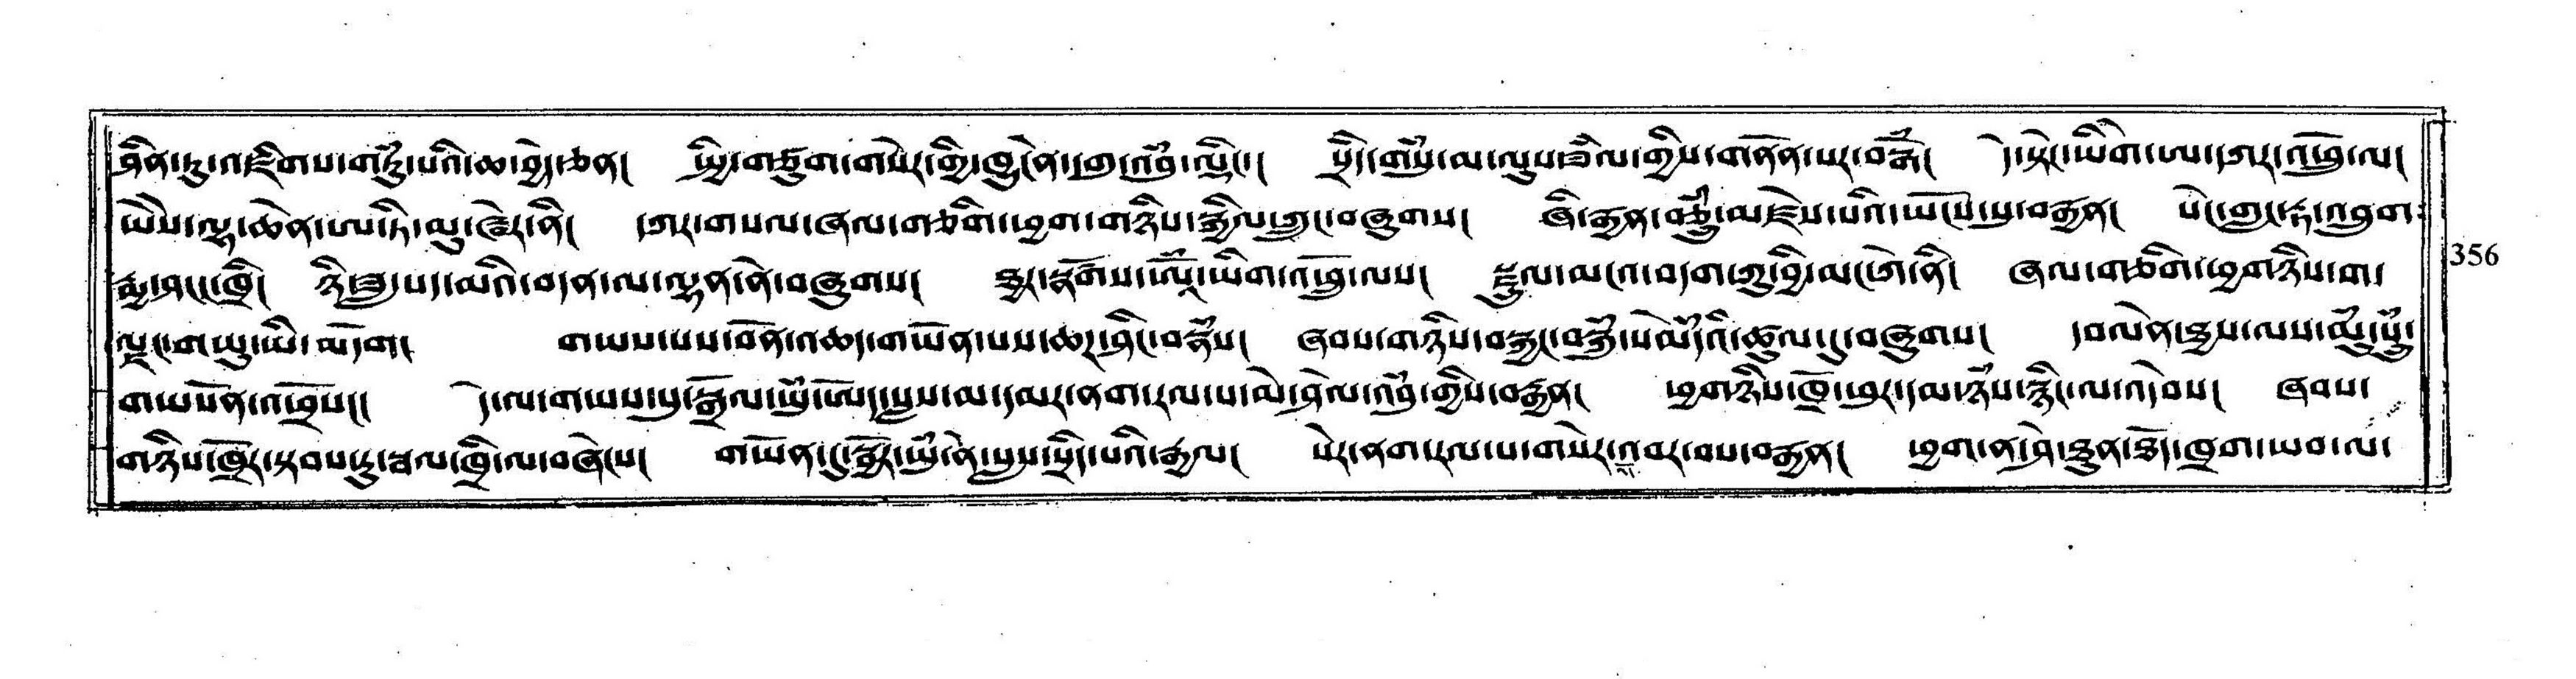ཤིན་ཏུ་འཇིགས་༼ཤིང་༽གཏུམ་པའི་ཆ་བྱེད་ཅན། སྤྱི་གཙུག་གསེར་གྱི་ཁྱུང་ཆེན་དགུ་འབུམ་ལྡིང་། སྲིད་གསུམ་མ་ལུས་ཟིལ་གྱིས་གནོན་པར་བསྒོམ། དེ་སྟེང་ཡི་གེ་ཨ་དཀར་འཕྲོ་འདུ་ལ། 
ཡེ་ཤེས་ལྷ་ཆེན་ཨ་ཏི་མུ་ཝེར་ནི། དཀར་གསལ་ཞལ་གཅིག་ཕྱག་གཉིས་སྐྱིལ་ཀྲུང་བཞུགས། ཞི་རྒྱན་བཅུ་གསུམ་མཛེས་པའི་ཡོངས་སུ་བརྒྱན། སེང་གླང་རྟ་འབྲུག་
རྨ་བྱ་ཤང་ཤང་ཁྲི། ཉི་ཟླ་པད་མའི་བདན་ལ་ལྷན་ནེ་བཞུགས། {367}ཐུགས་ཀར་སྣ་ཚོགས་ཨཱོཾ་ཡིག་འཕྲོ་འདུ་ལས། རྫུ་འཕྲུལ་མངའ་བདག་ཀུ་བྱི་མང་ཀེ་ནི། ཞལ་གཅིག་ཕྱག་གཉིས་ག་
ལྗང་གཡུ་ཡི་མདོག གཡས་པས་བོན་འཆད་གཡོན་པས་ཆགས་ཤིང་བསྣམས། ཞབས་གཉིས་བརྐྱང་བསྐུམ་སེམས་དཔའི་ཚུལ་དུ་བཞུགས། དབལ་ཆེན་ཐུགས་ལས་མུཾ་སྲུཾཿ
གཡས་གཡོན་འཕྲོས།། དེ་ལས་གཡས་སུ་སྒྲོལ་ཡུམ་ཨོད་སླས་མ། དམར་ནག་རལ་པ་མེ་ཤེལ་འབུམ་གྱིས་བརྒྱན། ཕྱག་གཉིས་ཁྲོ་ཕུར་དམ་ཉམས་སྙིང་ལ་འདེབས། ཞབས་
གཉིས་ཁྲོར་སྟབས་རུ་སྦལ་ཁྲི་ལ་བཞེངས།། གཡོན་དུ་སྦྱོར་ཡུམ་ནེ་སླས་སྲིད་པའི་རྒྱལ།། སེར་ནག་རལ་པ་གསེར་འོད་འབར་བས་བརྒྱན། ཕྱག་ན་ཤེ་ཐུན་ཐོད་ཁྲག་ཡབ་ལ་